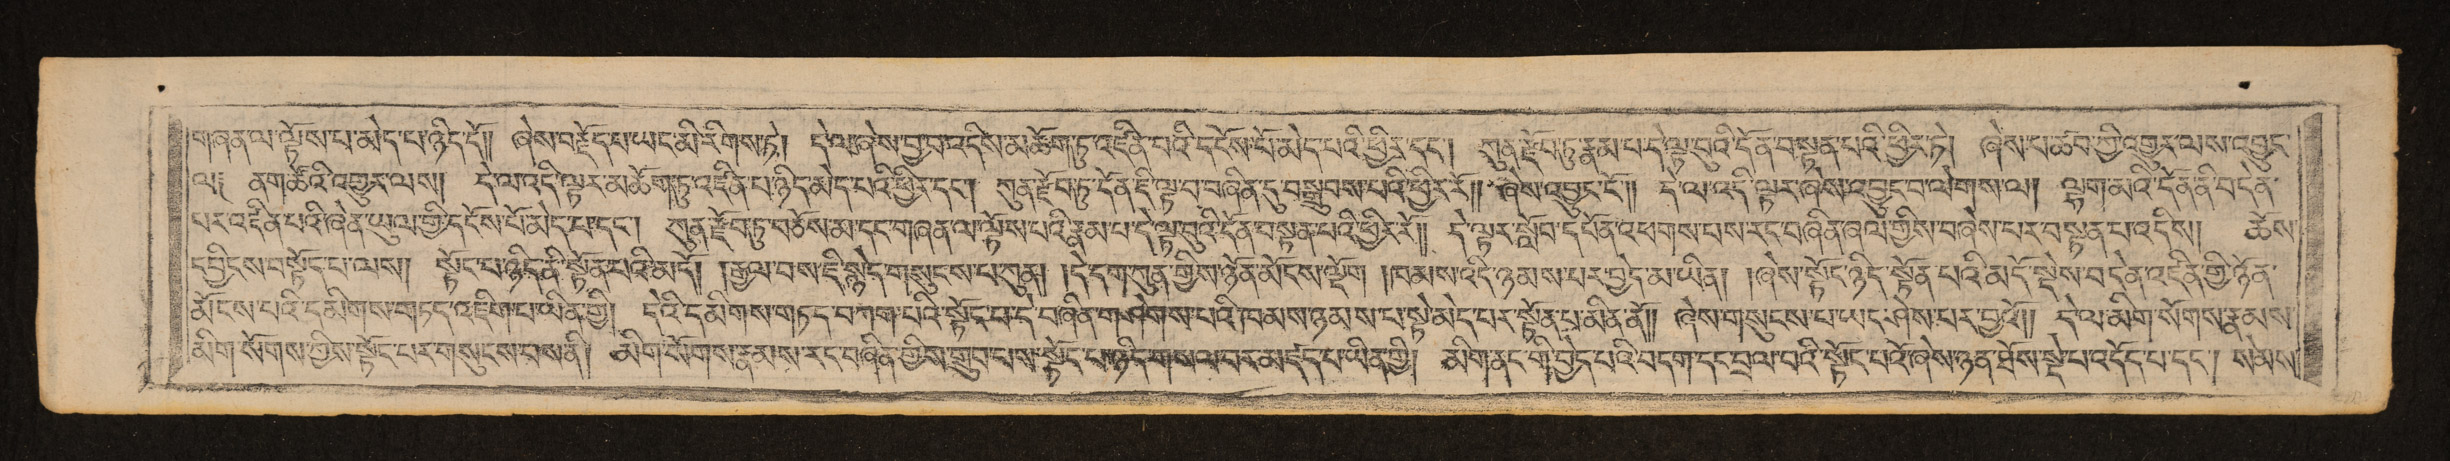གཞན་ལ་ལྟོས་པ་མེད་པ་ཉིད་དོ།། ཞེས་བརྗོད་པ་ཡང་མི་རིགས་ཏེ། དེ་ལ་ཞེས་བྱ་བ་འདིས་མཆོག་ཏུ་འཛིན་པའི་དངོས་པོ་མེད་པའི་ཕྱིར་དང་། ཀུན་རྫོབ་ཏུ་རྣམ་པ་དེ་ལྟ་བུའི་དོན་བསྟན་པའི་ཕྱིར་ཏེ། ཞེས་པ་ཚབ་ཀྱི་འགྱུར་ལས་འབྱུང་
ལ༑ ནག་ཚོའི་འགྱུར་ལས། དེ་ལ་འདི་ལྟར་མཆོག་ཏུ་འཛིན་པ་ཉིད་མེད་པའི་ཕྱིར་དང་། ཀུན་རྫོབ་ཏུ་དོན་ཇི་ལྟ་བ་བཞིན་དུ་བསྒྲུབས་པའི་ཕྱིར་རོ།། ཞེས་འབྱུང་ངོ།། དེ་ལ་འདི་ལྟར་ཞེས་འབྱུང་བ་ལེགས་ལ། ལྷག་མའི་དོན་ནི་བདེན་
པར་འཛིན་པའི་ཞེན་ཡུལ་གྱི་དངོས་པོ་མེད་པ་དང་། ཀུན་རྫོབ་ཏུ་བཅོས་མ་དང་གཞན་ལ་ལྟོས་པའི་རྣམ་པ་དེ་ལྟ་བུའི་དོན་བསྟན་པའི་ཕྱིར་རོ།། དེ་ལྟར་སློབ་དཔོན་འཕགས་པས་རང་བཞིན་ཞལ་གྱིས་བཞེས་པར་བསྟན་པ་འདིས། ཆོས་
དབྱིངས་བསྟོད་པ་ལས། སྟོང་པ་ཉིད་ནི་སྟོན་པའི་མདོ། །རྒྱལ་བས་ཇི་སྙེད་གསུངས་པ་ཀུན། །དེ་དག་ཀུན་གྱིས་ཉོན་མོངས་ལྡོག །ཁམས་འདི་ཉམས་པར་བྱེད་མ་ཡིན། །ཞེས་སྟོང་ཉིད་སྟོན་པའི་མདོ་སྡེས་བདེན་འཛིན་གྱི་ཉོན་
མོངས་པའི་དམིགས་གཏད་འཇིག་པ་ཡིན་གྱི། དེའི་དམིགས་གཏད་བཀག་པའི་སྟོང་པ་དེ་བཞིན་གཤེགས་པའི་ཁམས་ཉམས་པ་སྟེ་མེད་པར་སྟོན་པ་མིན་ནོ།། ཞེས་གསུངས་པ་ཡང་ཤེས་པར་བྱའོ།། དེ་ལ་མིག་སོགས་རྣམས་
མིག་སོགས་ཀྱིས་སྟོང་པར་གསུངས་པས་ནི། མིག་སོགས་རྣམས་རང་བཞིན་གྱིས་གྲུབ་པས་སྟོང་པ་ཉིད་གསལ་བར་མཛད་པ་ཡིན་གྱི། མིག་ནང་གི་བྱེད་པའི་བདག་དང་བྲལ་བའི་སྟོང་པའོ་ཞེས་ཉན་ཐོས་སྡེ་པ་འདོད་པ་དང་། སེམས་